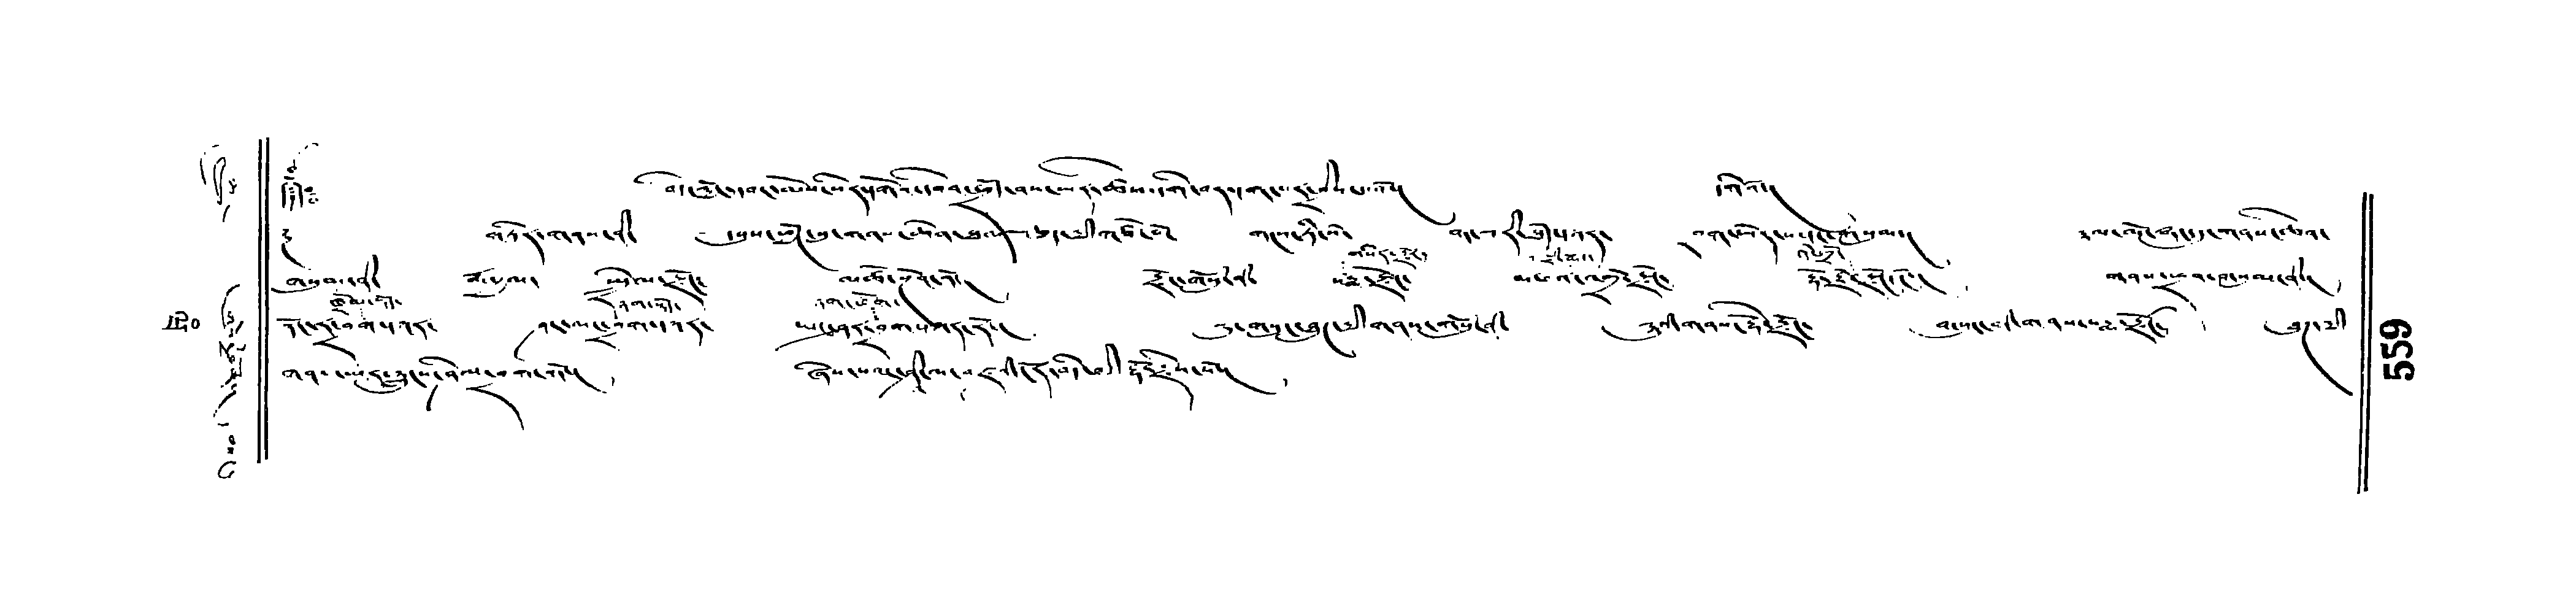བདེ་སྐྱོང་དབང་མོས་སེར་དགོན་དབེན་ཁྲོད་ནས་ཡར་ཚེས་དགེ་བར་དག་པར་བྲིས་པའོ།། དགེའོ།། 
གཏེར་གནས་ནི། དབུས་ཕྱོགས་སུ་གནས་ཆེན་ཐམས་ཅད་ཀྱི་གཙོ་བོ། གངས་ཏི་སེ། གངས་རི་ཐོད་དཀར། བྲག་ཡེར་པ་དང་གསུམ། ཟལ་ལོ་སྒང་དུ་གནས་ཆེན་
གསུམ་ནི། རྨ་རྒྱལ། སྤྲེལ་རྫོང་། མཚོ་སྔོན་ནོ། རྫོང་གསུམ་ནི། པདྨ་རྫོང་། མཁའ་འགྲོ་རྫོང་། རྡོ་རྗེ་རྫོང་ངོ་། གནས་ཕྲན་གསུམ་ནི། 
སྟོང་ར་བྲག་དཀར། ཤར་ལ་བྲག་དཀར། ཡང་ཤར་བྲག་དཀར་རོ། སྐུ་གསུང་ཐུགས་ཀྱི་གནས་གསུམ་ནི། སྐུའི་གནས་རྡོ་རྗེ་རྫོང་། གསུང་གི་གནས་པདྨ་རྫོང་། ཐུགས་ཀྱི་
གནས་ཡར་ཀླུངས་ཤེལ་བྲག་གོ། ཞེས་པའང་ཤཱི་ལ་བཛྲའི་ངོར་བདེ་བའི་རྡོ་རྗེས་སོ།